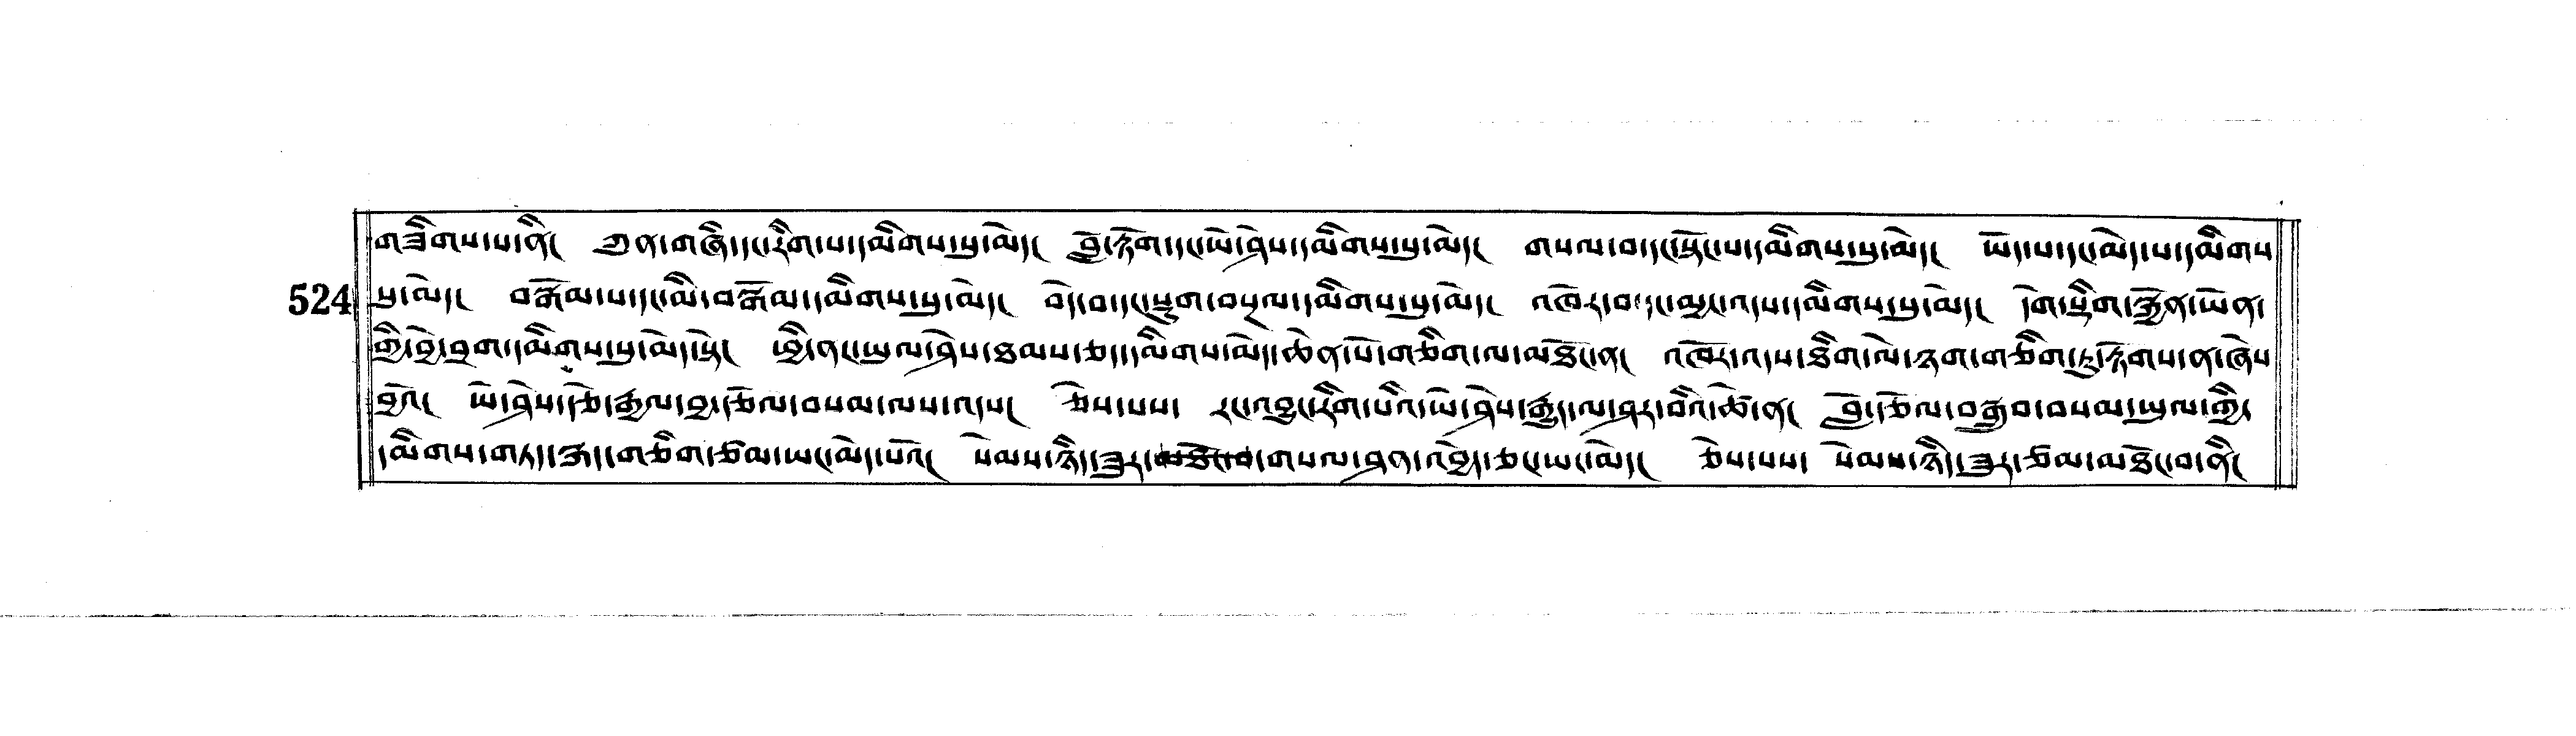གཟིགས་པ་ནི། ཀུན་གཞི་དང་རིག་པ་དམིགས་སུ་མེད། བློ་རྟོག་དང་ཡེ་ཤེས་དམིགས་སུ་མེད། གསལ་བ་དང་སྟོང་པ་དམིགས་སུ་མེད། ཡོད་པ་དང་མེད་པ་དམིགས་
སུ་མེད། བསྒོམ་པ་དང་མི་བསྒོམ་དམིགས་སུ་མེད། བདེ་བ་དང་སྡུག་བསྔལ་དམིགས་སུ་མེད། འཁོར་བ་དང་མྱང་འདས་དམིགས་སུ་མེད། དགེ་སྡིག་སྐྱོན་ཡོན་
གྱི་བྱེ་བྲག་དམིགས་སུ་མེད་དེ། ཕྱི་ནང་ཡུལ་ཤེས་ཐམས་ཅད་དམིགས་མེད་ཆེན་པོ་གཅིག་ལ་མཐོང་ན། འཁོར་འདས་ཐིག་ལེ་ཉག་གཅིག་ཏུ་རྟོགས་ན། ཞེས་
བྱའོ། ཡེ་ཤེས་རྩེ་རྒྱལ་བྱ་རྩོལ་བསམ་ལས་འདས། ཅེས་པས། རང་འབྱུང་རིག་པའི་ཡེ་ཤེས་རྒྱུད་ལ་ཤར་བའི་ཚེ་ན། བློ་རྩོལ་སྒྲུབ་བསམ་ཡུལ་གྱི་
དམིགས་གཏད་སྐད་ཅིག་ཙམ་ཡང་མེད་པའོ། སེམས་ཉིད་ཟུར་གསལ་ཤན་འབྱེད་ཅང་ཡང་མེད། ཅེས་པས། སེམས་ཉིད་ཟུར་ཙམ་མཐོང་བ་ནི།